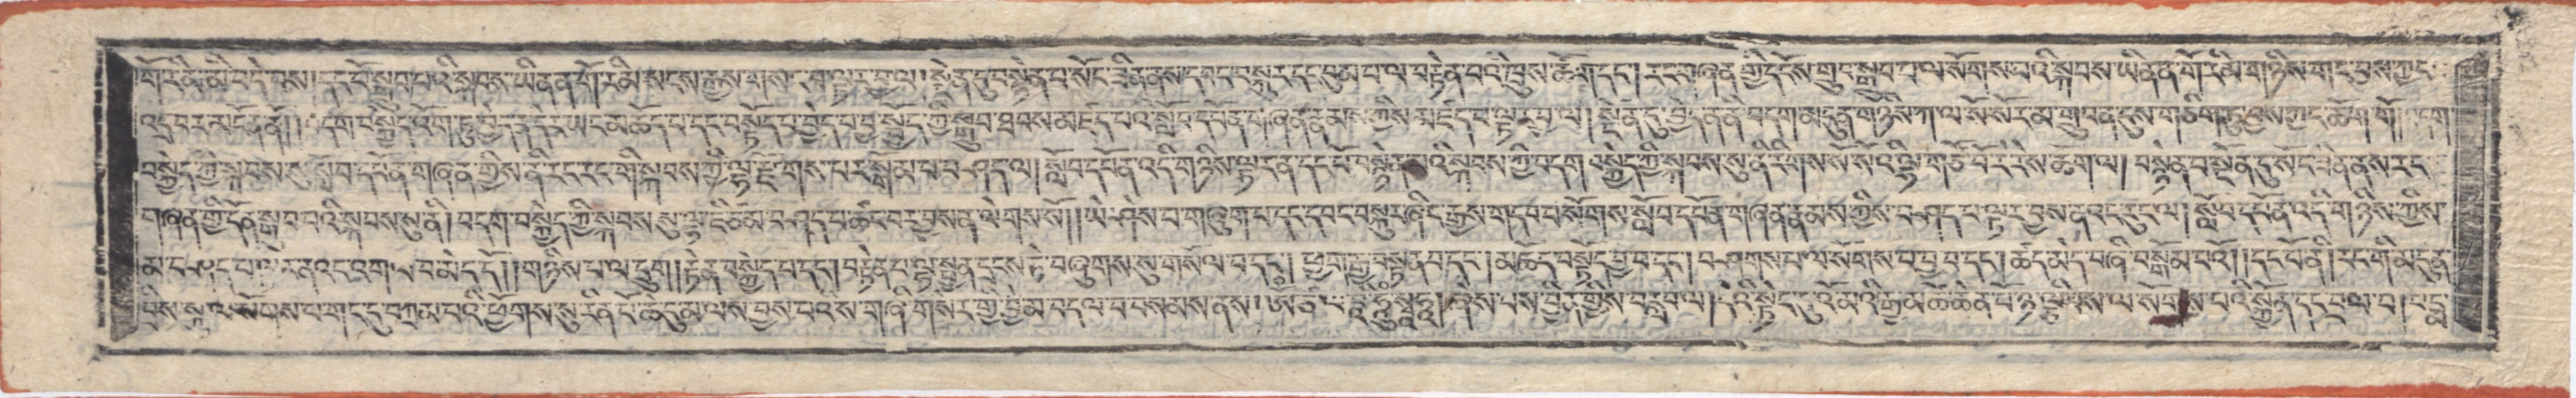གོ་རིམ་མི་བདེ་བས། དང་པོ་སྒྲུབ་པའི་སྐབས་ཡིན་ན་གོ་རིམ་སངས་རྒྱས་གསང་བ་ལྟར་བྱ་ལ། སྔོན་དུ་བསྙེན་པ་སོང་ཟིན་ནས་དབང་བསྐུར་དང་བུམ་པ་ལ་བརྟེན་པའི་ཁྲུས་ཆོག་དང་། རང་གཞན་གྱི་དངོས་གྲུབ་སྒྲུབ་པ་ལ་སོགས་པའི་སྐབས་ཡིན་ན་གོ་རིམ་གཉིས་གང་བྱས་ཀྱང་
འདྲ་བར་མངོན་ནོ། །བདག་བསྐྱེད་འོག་ཏུ་བྱེད་ན་དེར་ཡང་མཆོད་པ་དང་བསྟོད་པ་བྱེད་པ་བྱ་སྤྱོད་ཀྱི་སྒྲུབ་ཐབས་མཛད་པའི་སློབ་དཔོན་གཞན་རྣམས་ཀྱིས་མཛད་པ་ལྟར་བྱ་ལ། སྔོན་དུ་བྱེད་ན་ནི་བདག་མདུན་གཉིས་ཀ་ལ་སོ་སོར་མ་གྲུབ་ན་དུས་གཅིག་ཏུ་བྱས་ཀྱང་ཆོག་གོ །བདག་
བསྐྱེད་ཀྱི་སྐབས་སུ་སློབ་དཔོན་གཞན་གྱིས་ནི་རང་རང་གི་སྐབས་ཀྱི་ལྷ་རྫོགས་པར་སྒོམ་པ་བཤད་ལ། སློབ་དཔོན་འདི་གཉིས་ལྟར་ན་དང་པོ་བསྙེན་པའི་སྐབས་ཀྱི་བདག་བསྐྱེད་ཀྱི་སྐབས་སུ་ནི་རིགས་སོ་སོའི་ལྷ་གཙོ་བོ་རེ་རེས་ཆོག་ལ། བསྙེན་པ་སྔོན་དུ་སོང་ཟིན་ནས་རང་
གཞན་གྱི་དོན་སྒྲུབ་པའི་སྐབས་སུ་ནི། བདག་བསྐྱེད་ཀྱི་སྐབས་སུ་ལྷ་ཇི་ཙམ་བཤད་པ་ཚང་བར་བྱས་ན་ལེགས་སོ། །ཡེ་ཤེས་པ་གཞུག་པ་དང་དབང་བསྐུར་ཞིང་རྒྱས་གདབ་པ་སོགས་སློབ་དཔོན་གཞན་རྣམས་ཀྱིས་བཤད་པ་ལྟར་བྱས་ནའང་རུང་ལ། སློབ་དཔོན་འདི་གཉིས་ཀྱིས་
མ་བཤད་པ་ལྟར་ནའང་འགལ་བ་མེད་དོ། །གཉིས་པ་ལ་དྲུག །རྟེན་བསྐྱེད་པ་དང་། བརྟེན་པ་ལྷ་སྤྱན་དྲངས་ཏེ་བཞུགས་སུ་གསོལ་བ་དང་། ཕྱག་རྒྱ་བསྟན་པ་དང་། མཆོད་བསྟོད་བྱ་བ་དང་། བཤགས་པ་ལ་སོགས་པ་བྱ་བ་དང་། ཚད་མེད་བཞི་བསྒོམ་པའོ། །དང་པོ་ནི། རང་གི་མདུན་
བྲིས་སྐུ་ལ་སོགས་པ་གང་དུ་བཀྲམ་པའི་ཕྱོགས་སུ་རིན་པོ་ཆེ་དུ་མ་ལས་བྱས་པའི་ས་གཞི་གསེར་གྱི་བྱེ་མ་བདལ་བ་བསམས་ནས། ཨོཾ་ཙ་ལ་བཱི་ཧཱུཾ་སྭཱཧཱ། ཞེས་པས་བྱིན་གྱིས་བརླབ་ལ། དེའི་སྟེང་དུ་འོ་མའི་རྒྱ་མཚོ་ཆེན་པོ་ཉ་ལྕིབས་ལ་སོགས་པའི་སྐྱོན་དང་བྲལ་བ། པདམ་